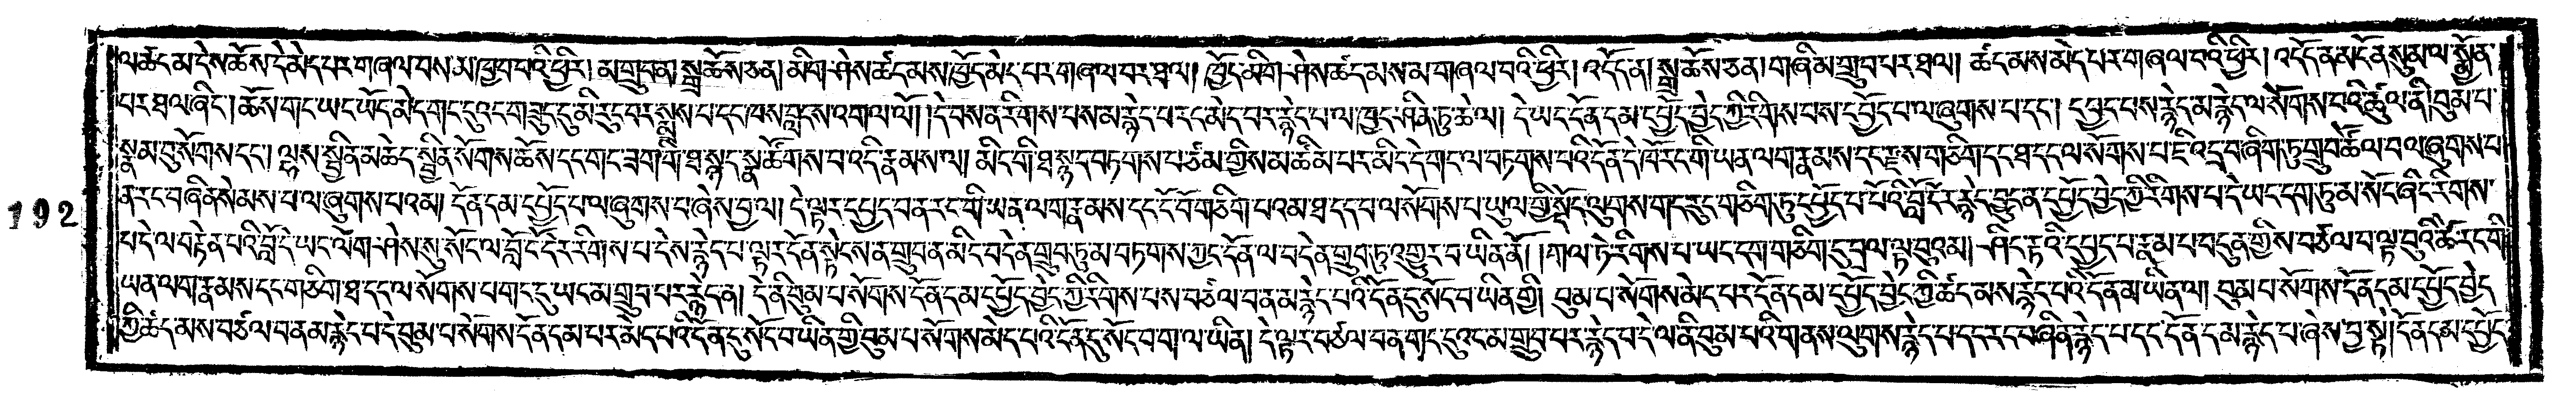ལ་ཚད་མ་དེས་ཆོས་དེ་མེད་པར་གཞལ་བསམ་ཁྱབ་པའི་ཕྱིར། མ་གྲུབ་ན། སྒྲ་ཆོས་ཅན། མིག་ཤེས་ཚད་མས་ཁྱོད་མེད་པར་གཞལ་བར་ཐལ། ཁྱོད་མིག་ཤེས་ཚད་མས་མ་གཞལ་བའི་ཕྱིར། འདོད་ན། སྒྲ་ཆོས་ཅན། གཞི་མ་གྲུབ་པར་ཐལ། ཚད་མས་མེད་པར་གཞལ་བའི་ཕྱིར། འདོད་ན་མངོན་སུམ་ལ་སྨྱོན་
པར་ཐལ་ཞིང་། ཆོས་གང་ཡང་ཡོད་མེད་གང་དུའང་གཟུང་དུ་མི་རུང་བར་སྨྲས་པ་དང་ཁས་བླངས་འགལ་ལོ། །དེ་བས་ན་རིགས་པས་མ་རྙེད་པ་རང་མེད་བར་རྙེད་པ་ལ་ཁྱད་ཤིན་ཏུ་ཆེ་ལ། དེ་ཡང་དོན་དམ་དཔྱོད་བྱེད་ཀྱི་རིགས་པས་དཔྱོད་པ་ལ་ཞུགས་པ་དང་། དཔྱད་པས་རྙེད་མ་རྙེད་ལ་སོགས་བའི་ཚུལ་ནི། བུམ་པ་
སྣམ་བུ་སོགས་དང་། ལྷས་སྦྱིན་མཆོད་སྦྱིན་སོགས་ཆོས་དང་གང་ཟག་གི་ཐ་སྙད་སྣ་ཚོགས་བ་འདི་རྣམས་ལ། མིང་གི་ཐ་སྙད་བཏགས་པ་ཙམ་གྱིས་མ་ཚིམ་?་པར་མིང་དེ་གང་ལ་བཏགས་པའི་དོན་དེ་ཁོ་རང་གི་ཡན་ལག་རྣམས་དང་རྫས་གཅིག་དང་ཐ་དད་ལ་སོགས་པ་ཇི་འདྲ་བ་ཞིག་ཏུ་གྲུབ་ཚོལ་བ་ལ་ཞུགས་པ་
ན་རང་བཞིན་སེམས་པ་ལ་ཞུགས་པའམ། དོན་དམ་དཔྱོད་པ་ལ་ཞུགས་པ་ཞེས་བྱ་ལ། དེ་ལྟར་དཔྱད་པ་ན་རང་གི་ཡན་ལག་རྣམས་དང་ངོ་བོ་གཅིག་པའམ་ཐ་དད་པ་ལ་སོགས་པ་ཡུལ་གྱི་སྡོད་ལུགས་གང་རུང་གཅིག་ཏུ་དཔྱོད་པ་པོའི་བློ་ངོར་རྙེད་བྱུང་ན་དཔྱོད་བྱེད་ཀྱི་རིགས་པ་དེ་ཡང་དག་ཏུ་མ་སོང་ཞིང་རིགས་
བདེ་ལ་བརྟེན་པའི་བློ་དེ་ཡང་ལེག་ཤེས་སུ་སོང་ལ་བློ་ངོ་དེར་རིགས་པ་དེས་རྙེད་པ་ལྟར་དོན་སྟེངས་ན་གྲུབ་ན་མིང་བདེན་གྲུབ་ཏུ་མ་བཏགས་ཀྱང་དོན་ལ་བདེན་གྲུབ་ཏུ་འགྱུར་བ་ཡིན་ནོ། །གལ་ཏེ་རིགས་པ་ཡང་དག་གཅིག་དུ་བྲལ་ལྟ་བུའམ། ཤིང་རྟའི་དཔྱད་པ་རྣམ་པ་བདུན་གྱིས་བཙལ་བ་ལྟ་བུའི་ཚེ་རང་གི་
ཡན་ལག་རྣམས་དང་གཅིག་ཐ་དད་ལ་སོགས་པ་གང་དུ་ཡང་མ་གྲུབ་པར་རྙེད་ན། དེ་ནི་བུམ་པ་སོགས་དོན་དམ་དཔྱོད་བྱེད་ཀྱི་རིགས་པས་བཙལ་བ་ན་མ་རྙེད་པའི་དོན་དུ་སོང་བ་ཡིན་གྱི། བུམ་པ་སོགས་མེད་པར་དོན་དམ་དཔྱོད་བྱེད་ཀྱི་ཚད་མས་རྙེད་པའི་དོན་མ་ཡིན་ལ། བུམ་པ་སོགས་དོན་དམ་དཔྱོད་བྱེད་
ཀྱི་ཚད་མས་བཙལ་བ་ནམ་རྙེད་པ་དེ་བུམ་པ་སོགས་དོན་དམ་པར་མེད་པའི་དོན་དུ་སོང་བ་ཡིན་གྱི་བུམ་པ་སོགས་མེད་པའི་དོན་དུ་སོང་བ་ག་ལ་ཡིན། དེ་ལྟར་བཙལ་བ་ན་གང་དུའང་མ་གྲུབ་པར་རྙེད་པ་དེ་ལ་ནི་བུམ་པའི་གནས་ལུགས་རྙེད་པ་དང་རང་བཞིན་རྙེད་པ་དང་དོན་དམ་རྙེད་པ་ཞེས་བྱ་སྟེ། དོན་དམ་དཔྱོད་